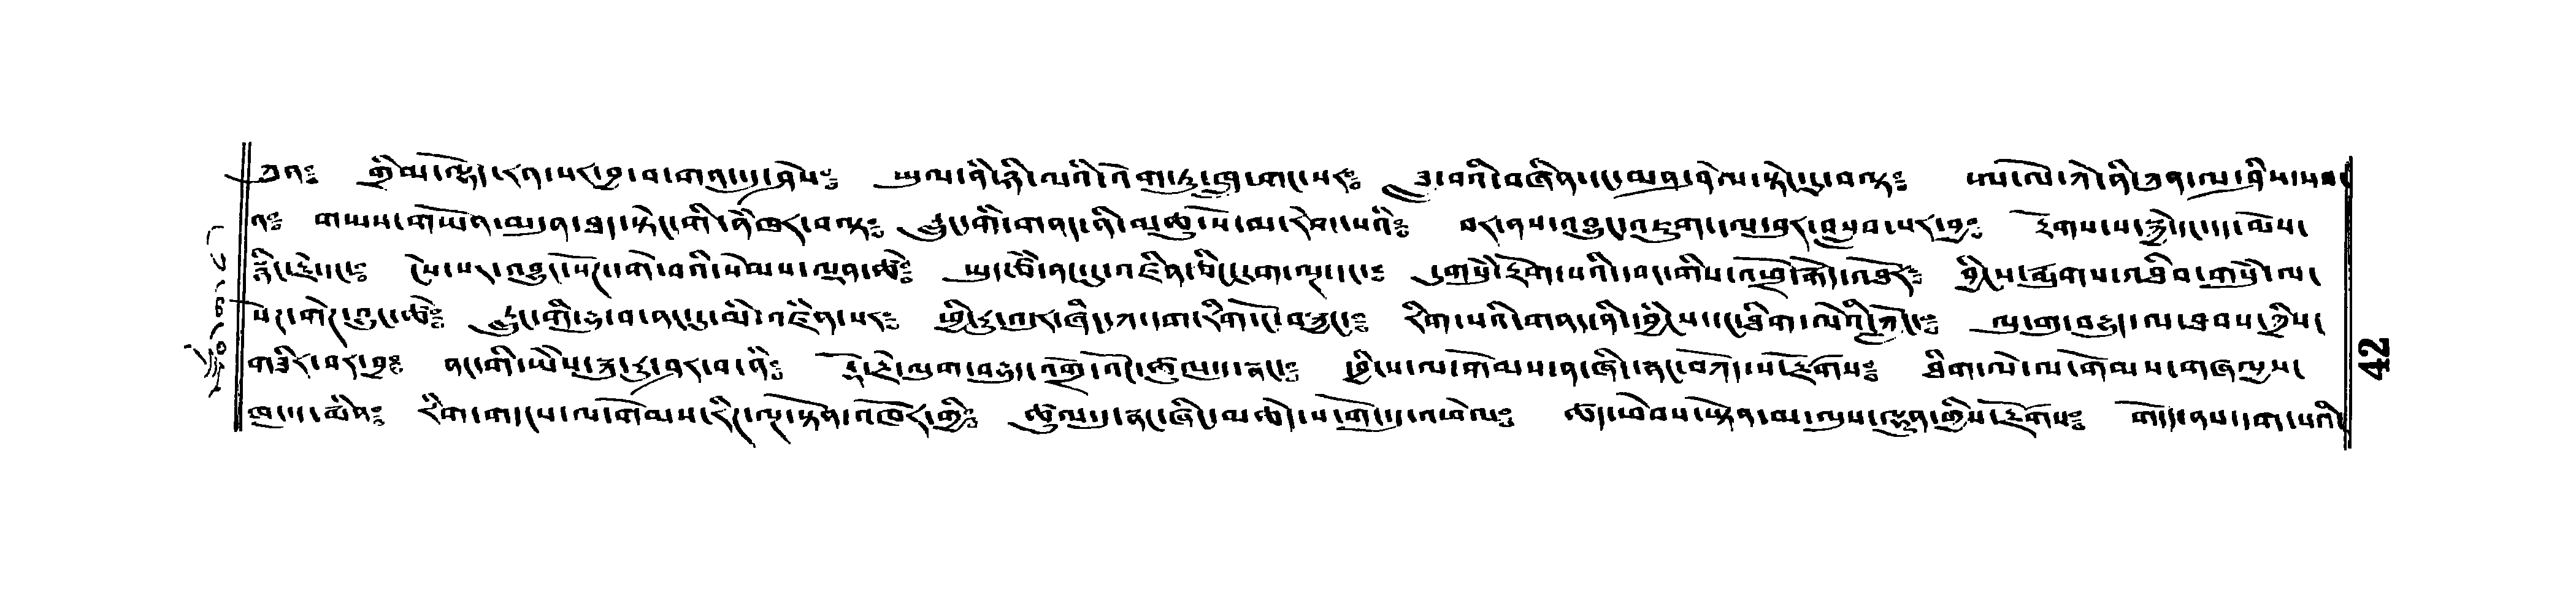ཀུན༔ གྲིམ་ལྷོད་རན་པར་བྱ་བ་གནད་དུ་ཤེས༔ ཡུལ་ནི་ཉི་མའི་འོག་ཏུ་ཁྲུ་གང་སར༔ཟླ་བའི་བཞིན་དང་མན་ཤེལ་སྟེང་དུ་བལྟ༔ ཨ་ལོ་ཀེ་ནི་ཀུན་ལ་ཤིས་པས་
ན༔ གཡས་གཡོན་མདུན་ཐད་སྟེང་གི་ནམ་མཁར་བལྟ༔ རླུང་གི་གནད་ནི་མཆུ་སོ་མ་རེག་པའི༔ བར་ནས་འབྱུང་འཇུག་དལ་བུར་བསླབ་པར་བྱ༔ རྟོགས་པ་སྐྱེ་དང་དད་མོས་
སྙིང་རྗེ་དང༔ ངེས་པར་འབྱུང་སོགས་དགེ་བའི་སེམས་ལྡན་ཚེ༔ ཡུད་ཙམ་ནང་དུ་འཛིན་ཅིང་དུག་ལྔ་དང༔ དུག་གསུམ་རྟོག་པའི་དབང་གིས་འཕྲོ་རྒོད་འཐོར༔ བྱིང་རྨུགས་འཐིབ་གསུམ་ལ་
སོགས་གེགས་བྱུང་ཚེ༔ རླུང་གི་རྒྱུ་བ་ནང་དུ་མི་འཛིན་པར༔ ཕྱི་རུ་འདུར་ཞིང་ཀ་དག་རིག་ངོ་བསྐྱང༔ རིག་པའི་གནད་ནི་དབྱིངས་དང་ཐིག་ལེའི་ཀློང༔ ལུ་གུ་བརྒྱུད་ལ་ཐབས་ཀྱིས་
གཟིར་བར་བྱ༔ ནང་གི་ཡེ་ཤེས་སྐུ་རུ་ཤར་བ་ནི༔ རྡོ་རྗེ་ལུག་བརྒྱུད་འགྲོ་འོང་ཚུལ་དུ་སྣང༔ དབྱིངས་ལ་གོམས་ན་ཞིང་སྣང་བཀོད་པ་རྫོགས༔ ཐིག་ལེ་ལ་གོམས་གཞལ་ཡས་
ཁང་དུ་སྨིན༔ རིག་གདངས་ལ་གོམས་རིགས་ལྔ་སྟོན་འཁོར་གྱི༔ ཚུལ་དུ་སྣང་ཞིང་མཆེད་པ་གོང་དུ་འཕེལ༔ ཚད་ཕེབས་ཡོན་ཏན་མ་ལུས་ལྷུན་གྱིས་རྫོགས༔ གདོད་ནས་དག་པའི་